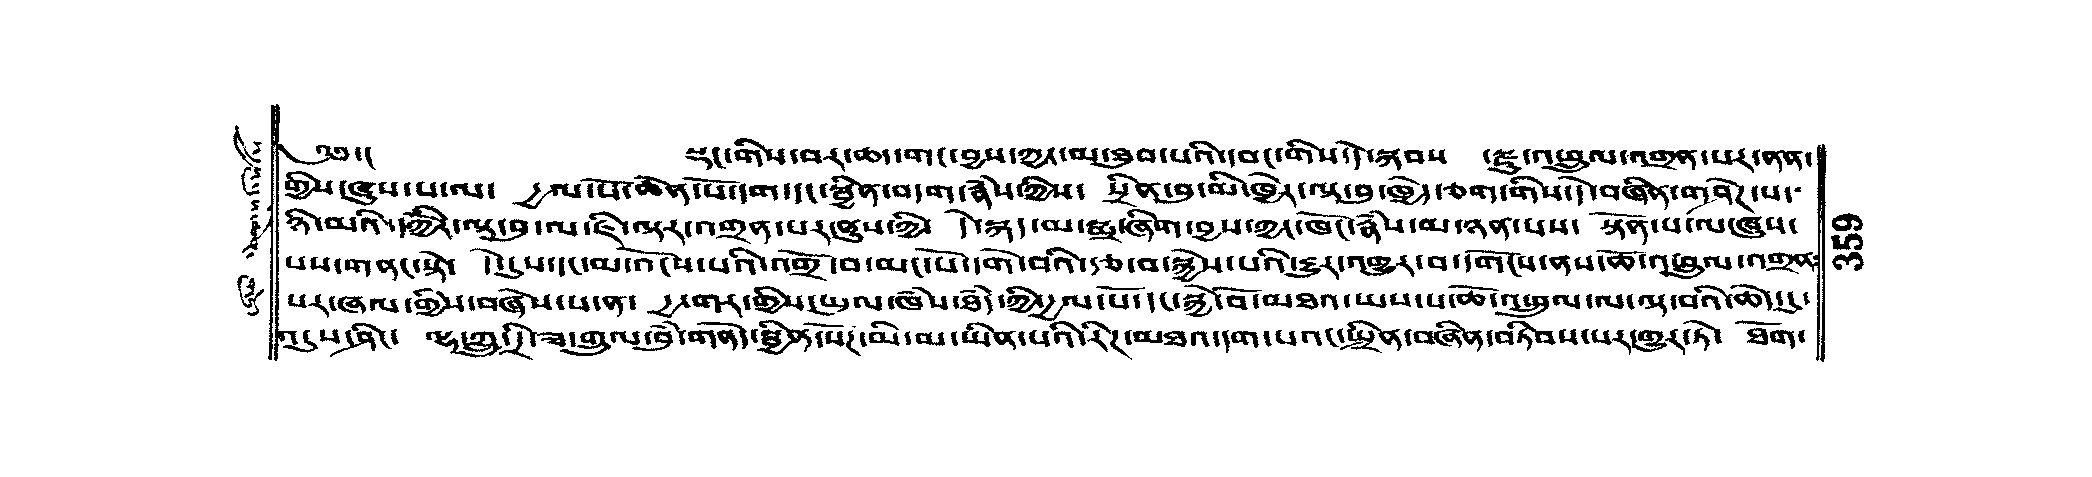སྡང་གིས་བར་ཆད་གང་བྱས་ཀྱང་མ་ཐུབ་པའི་དབང་གིས་དེ་སྐབས་རྫུ་འཕྲུལ་འགྲན་པར་ནན་
གྱིས་ཞུས་པ་ལ། རྒྱལ་པོ་ཆེན་པོ་དག་དང་སྦྱིན་བདག་རྣམས་ཀྱིས། སྲིན་བུ་མེ་ཁྱེར་ལྟ་བུ་ཁྱེད་ཅག་གིས་དེ་བཞིན་གཤེགས་པ་
ཉི་མའི་དཀྱིལ་འཁོར་ལྟ་བུ་ལ་ཇི་ལྟར་འགྲན་པར་ནུས་ཀྱི། དེ་སྐད་མ་སྨྲ་ཞིག་བྱས་ཀྱང་ཁོང་རྣམས་མ་ཉན་པས། སྟོན་པ་ལ་ཞུས་
པས་གནང་སྟེ། དེ་དུས་དང་མ་འོངས་པའི་འགྲོ་བ་མང་པོ་དགེ་བའི་རྩ་བ་སྐྱེ་པའི་རྒྱུར་འགྱུར་བར་དགོངས་ནས་ཆོ་འཕྲུལ་འགྲན་
པར་ཞལ་གྱིས་བཞེས་པ་ན། རྒྱ་གར་གྱིས་ཡུལ་ཁམས་ཐམས་ཅད་ཀྱི་རྒྱལ་པོ་དང་སྐྱེ་བོ་མཐའ་ཡས་པ་ཆོ་འཕྲུལ་ལ་ལྟ་བའི་ཆེད་དུ་
འདུས་ཤིང་། ལྷ་ཀླུ་དྲི་ཟ་གྲུལ་བུམ་གནོད་སྦྱིན་སོགས་མི་མ་ཡིན་པའི་རིགས་མཐའ་དག་པའང་སྤྲིན་བཞིན་བཏིབས་པར་གྱུར་ཏེ། ཐོག་